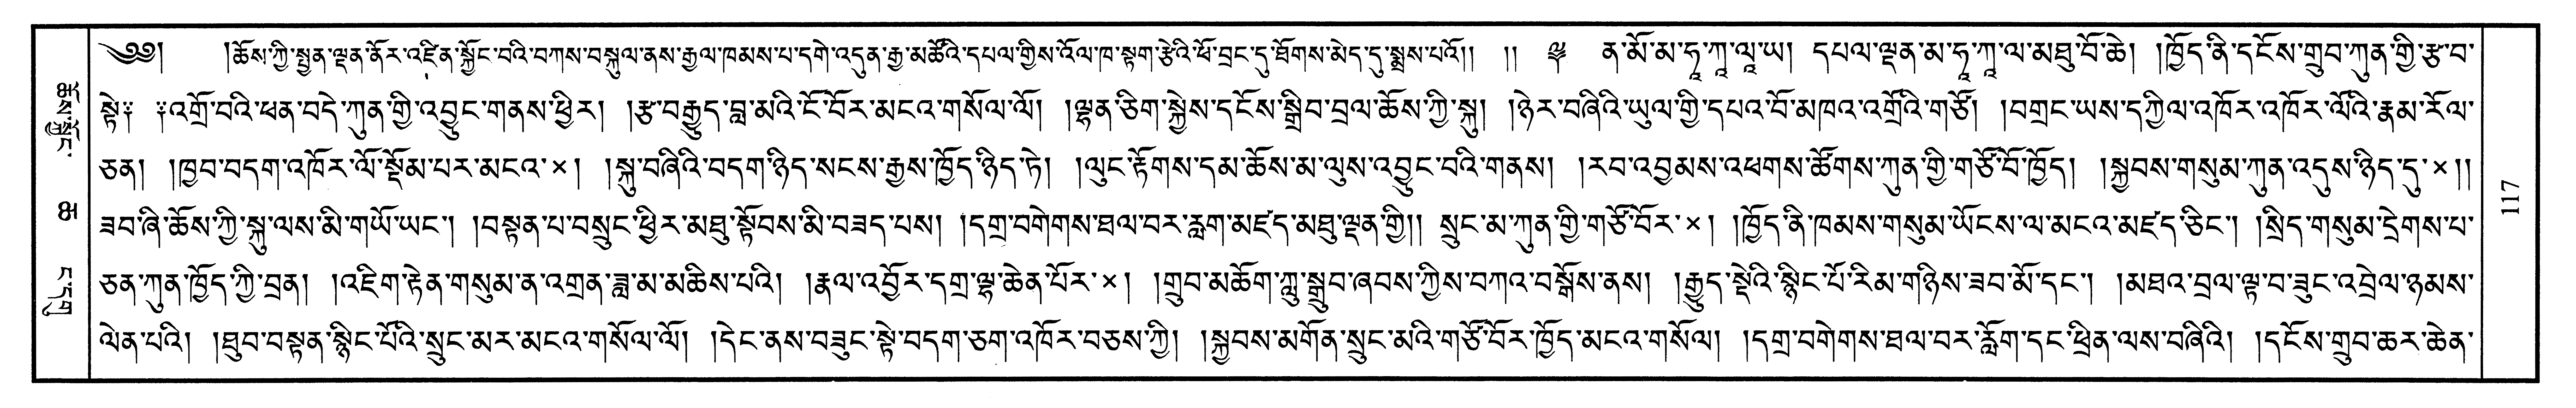༄༅། །ཆོས་ཀྱི་སྤྱན་ལྡན་ནོར་འཛིན་སྐྱོང་བའི་བཀས་བསྐུལ་ནས་རྒྱལ་ཁམས་པ་དགེ་འདུན་རྒྱ་མཚོའི་དཔལ་གྱིས་འོལ་ཁ་སྟག་རྩེའི་ཕོ་བྲང་དུ་ཐོགས་མེད་དུ་སྨྲས་པའོ།། །། ༈ ན་མོ་མ་ཧཱ་ཀཱ་ལཱ་ཡ། དཔལ་ལྡན་མ་ཧཱ་ཀཱ་ལ་མཐུ་བོ་ཆེ། །ཁྱོད་ནི་དངོས་གྲུབ་ཀུན་གྱི་རྩ་བ་
སྟེ༑ ༑འགྲོ་བའི་ཕན་བདེ་ཀུན་གྱི་འབྱུང་གནས་ཕྱིར། །རྩ་བརྒྱུད་བླ་མའི་ངོ་བོར་མངའ་གསོལ་ལོ། །ལྷན་ཅིག་སྐྱེས་དངོས་སྒྲིབ་བྲལ་ཆོས་ཀྱི་སྐུ། །ཉེར་བཞིའི་ཡུལ་གྱི་དཔའ་བོ་མཁའ་འགྲོའི་གཙོ། །བགྲང་ཡས་དཀྱིལ་འཁོར་འཁོར་ལོའི་རྣམ་རོལ་
ཅན། །ཁྱབ་བདག་འཁོར་ལོ་སྡོམ་པར་མངའ་྾། །སྐུ་བཞིའི་བདག་ཉིད་སངས་རྒྱས་ཁྱོད་ཉིད་ཏེ། །ལུང་རྟོགས་དམ་ཆོས་མ་ལུས་འབྱུང་བའི་གནས། །རབ་འབྱམས་འཕགས་ཚོགས་ཀུན་གྱི་གཙོ་བོ་ཁྱོད། །སྐྱབས་གསུམ་ཀུན་འདུས་ཉིད་དུ་྾་།།
ཟབ་ཞི་ཆོས་ཀྱི་སྐུ་ལས་མི་གཡོ་ཡང་། །བསྟན་པ་བསྲུང་ཕྱིར་མཐུ་སྟོབས་མི་བཟད་པས། །དགྲ་བགེགས་ཐལ་བར་རླག་མཛད་མཐུ་ལྡན་གྱི།། སྲུང་མ་ཀུན་གྱི་གཙོ་བོར་྾། །ཁྱོད་ནི་ཁམས་གསུམ་ཡོངས་ལ་མངའ་མཛད་ཅིང་། །སྲིད་གསུམ་དྲེགས་པ་
ཅན་ཀུན་ཁྱོད་ཀྱི་བྲན། །འཇིག་རྟེན་གསུམ་ན་འགྲན་ཟླ་མ་མཆིས་པའི། །རྣལ་འབྱོར་དགྲ་ལྷ་ཆེན་པོར་྾། །གྲུབ་མཆོག་ཀླུ་སྒྲུབ་ཞབས་ཀྱིས་བཀའ་བསྒོས་ནས། །རྒྱུད་སྡེའི་སྙིང་པོ་རིམ་གཉིས་ཟབ་མོ་དང་། །མཐའ་བྲལ་ལྟ་བ་ཟུང་འབྲེལ་ཉམས་
ལེན་པའི། །ཐུབ་བསྟན་སྙིང་པོའི་སྲུང་མར་མངའ་གསོལ་ལོ། །དེང་ནས་བཟུང་སྟེ་བདག་ཅག་འཁོར་བཅས་ཀྱི། །སྐྱབས་མགོན་སྲུང་མའི་གཙོ་བོར་ཁྱོད་མངའ་གསོལ། །དགྲ་བགེགས་ཐལ་བར་རློག་དང་ཕྲིན་ལས་བཞིའི། །དངོས་གྲུབ་ཆར་ཆེན་